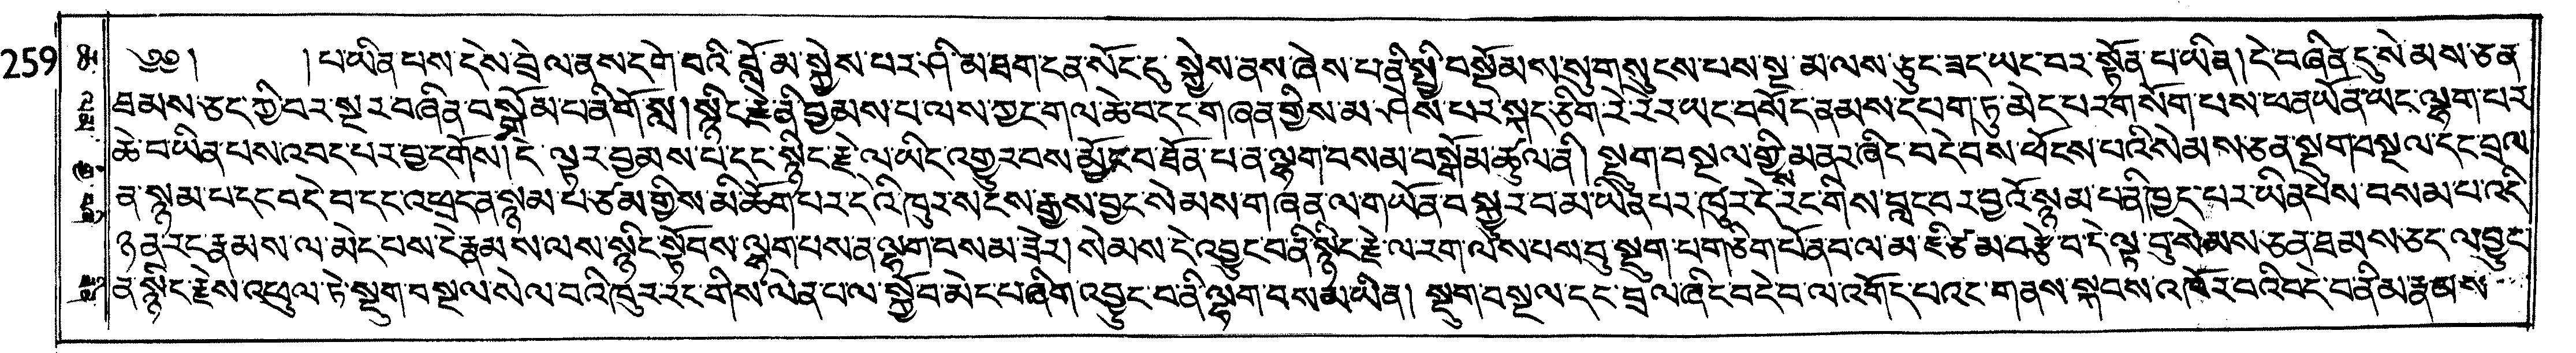༄༅། །པ་ཡིན་པས་དེས་བྲེལ་ནས་དགེ་བའི་བློ་མ་སྐྱེས་པར་ཤི་མ་ཐག་ངན་སོང་དུ་སྐྱེས་ནས་ཞེས་པ་ནི་སྤྱི་བསྡོམས་སུ་གསུངས་པས་སྔ་མ་ལས་ཅུང་ཟད་ཡང་བར་སྟོན་པ་ཡིན། དེ་བཞིན་དུ་སེམས་ཅན་
ཐམས་ཅད་ཀྱི་བར་སྔར་བཞིན་བསྒོམ་པ་ནི་གོ་སླ། སྙིང་རྗེ་ནི་བྱམས་པ་ལས་ཀྱང་གལ་ཆེ་བ་དང་གཞན་གྱིས་མ་ཤེས་པར་སྐད་ཅིག་རེ་རེར་ཡང་བསོད་ནམས་དཔག་ཏུ་མེད་པར་གསོག་པས་ཕན་ཡོན་ཡང་ལྷག་པར་
ཆེ་བ་ཡིན་པས་འབད་པར་བྱ་དགོས། དེ་ལྟར་བྱམས་པ་དང་སྙིང་རྗེ་ལ་ཡིད་འགྱུར་བས་མྱོང་བ་ཐོན་པ་ན་ལྷག་བསམ་བསྒོམ་ཚུལ་ནི། སྡུག་བསྔལ་གྱིས་མནར་ཞིང་བདེ་བས་ཕོངས་པའི་སེམས་ཅན་སྡུག་བསྔལ་དང་བྲལ་
ན་སྙམ་པ་དང་བདེ་བ་དང་འཕྲད་ན་སྙམ་པ་ཙམ་གྱིས་མི་ཆོག་པར་དེའི་ཁུར་སངས་རྒྱས་བྱང་སེམས་གཞན་ལ་གཡོན་བསྐྱུར་བ་མ་ཡིན་པར་ཁུར་དེ་རིང་གིས་བླང་བར་བྱའོ་སྙམ་པ་ནི་ཁྱད་པར་ཡིན་པས་བསམ་པ་འདི་
ཉན་རང་རྣམས་ལ་མེད་པས་དེ་རྣམས་ལས་སྙིང་སྟོབས་ལྷག་པས་ན་ལྷག་བསམ་ཟེར། སེམས་དེ་འབྱུང་བ་ནི་སྙིང་རྗེ་ལ་རག་ལས་པས་བུ་སྡུག་པ་གཅིག་པོ་ན་བ་ལ་མ་ཇི་ཙམ་བརྩེ་བ་དེ་ལྟ་བུ་སེམས་ཅན་ཐམས་ཅད་ལ་བྱུང་
ན་སྙིང་རྗེས་འཕུལ་ཏེ་སྡུག་བསྔལ་སེལ་བའི་ཁུར་རང་གིས་ལེན་པ་ལ་སྐྱོ་བ་མེད་པ་ཞིག་འབྱུང་བ་ནི་ལྷག་བསམ་ཡིན། སྡུག་བསྔལ་དང་བྲལ་ཞིང་བདེ་བ་ལ་འགོད་པའང་གནས་སྐབས་འཁོར་བའི་བདེ་བ་ནི་མ་རྣམས་